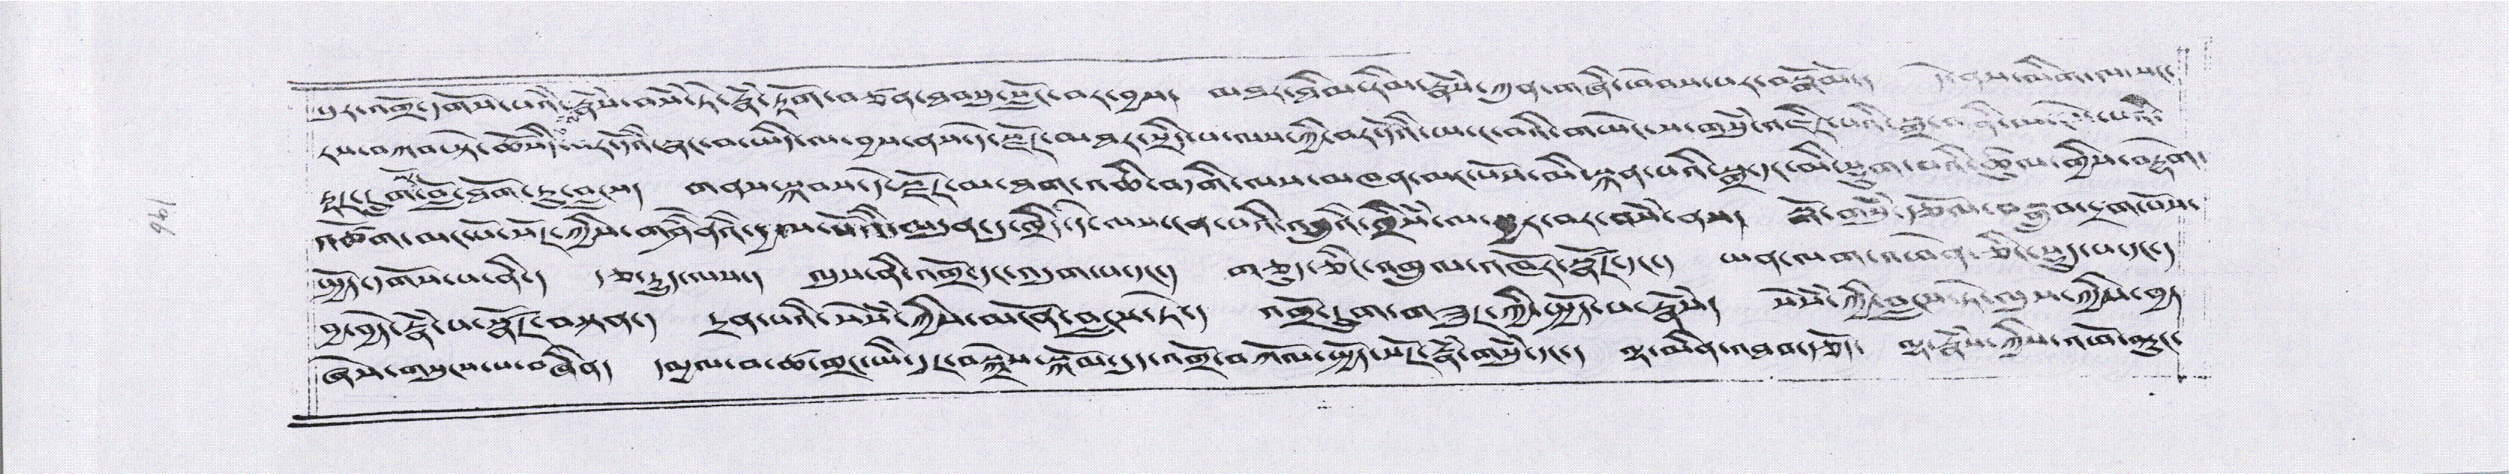པུར་འགྲོ་དགོས་པའི་ཚུལ་རྣམས་བསམ་སྟེ་རྣམ་རྟོག་བཙན་ཐབས་སུ་སློང་བར་བྱས། མཐར་ཕེབས་རིམ་རྣམས་ཀུན་གཞི་ཕེབས་པར་བསྒོམ་མོ། དེ་ནས་མིག་ལ་སེང་
རས་བཀབ་སྟེ་ཆོས་ཉིད་བར་དོའི་སྣང་བ་ཡིད་ལ་བྱས་ནས་དེ་རྫོགས་མཐར་སྲིད་པ་ལས་ཀྱི་བར་དོའི་ཡ་ང་བའི་གཡང་ས་གསུམ་འཇིགས་པའི་སྒྲ་བཞི་མ་ངེས་པའི་
རྟགས་དྲུག་སོགས་བློ་ཐོག་ཏུ་བླང་། གནས་སྐབས་དེ་རྫོགས་མ་ཐག་འཆི་བདག་གི་ལས་མཁན་མང་པོས་མི་སྙན་པའི་སྒྲ་དང་མི་སྡུག་པའི་ཚུལ་གྱིས་རྡེག་
འཚོག་མང་པོ་སོགས་ཀྱིས་གཤིན་རྗེ་རྒྱལ་པོའི་མདུན་དུ་ཁྲིད་དེ་ལས་ངན་པའི་མཐུ་ཡིས་ཁྲིམས་ལ་སྦྱར་བར་བསམ་ནས་སྒོ་གསུམ་རྩོལ་སྒྲུབ་དྲག་པོས་
སྤྱོད་དགོས་པ་ནི། རྩ་རྒྱུད་ལས། ལུས་ནི་འགྲོ་དང་འདུག་པ་དང་། གཅུད་ཅིང་འཁྲུལ་འཁོར་སྣ་ཚོགས་དང་། ཡན་ལག་འཕེན་ཅིང་སྡུད་པ་དང་། 
བྱ་བྱེད་རྣམ་པ་སྣ་ཚོགས་བསྟན། དྲན་པའི་སེམས་ཀྱིས་མངོན་བླངས་ཏེ། འགྲོ་དྲུག་གཟུགས་ཀྱི་སྤྱོད་པ་རྣམས། སེམས་ཀྱིས་བླང་སྟེ་ལུས་ཀྱིས་བྱ། 
ཞེས་གསུངས་པ་བཞིན། དམྱལ་བ་ཚ་གྲང་ཡི་དྭགས་བཀྲེས་སྐོམ། དུད་འགྲོ་བཀོལ་སྤྱོད་སོགས་རྣམ་གསུམ་དང་། ལྷ་མིན་འཐབ་རྩོད། ལྷ་རྣམས་ཀྱིས་འཕམ་ལྟུང་